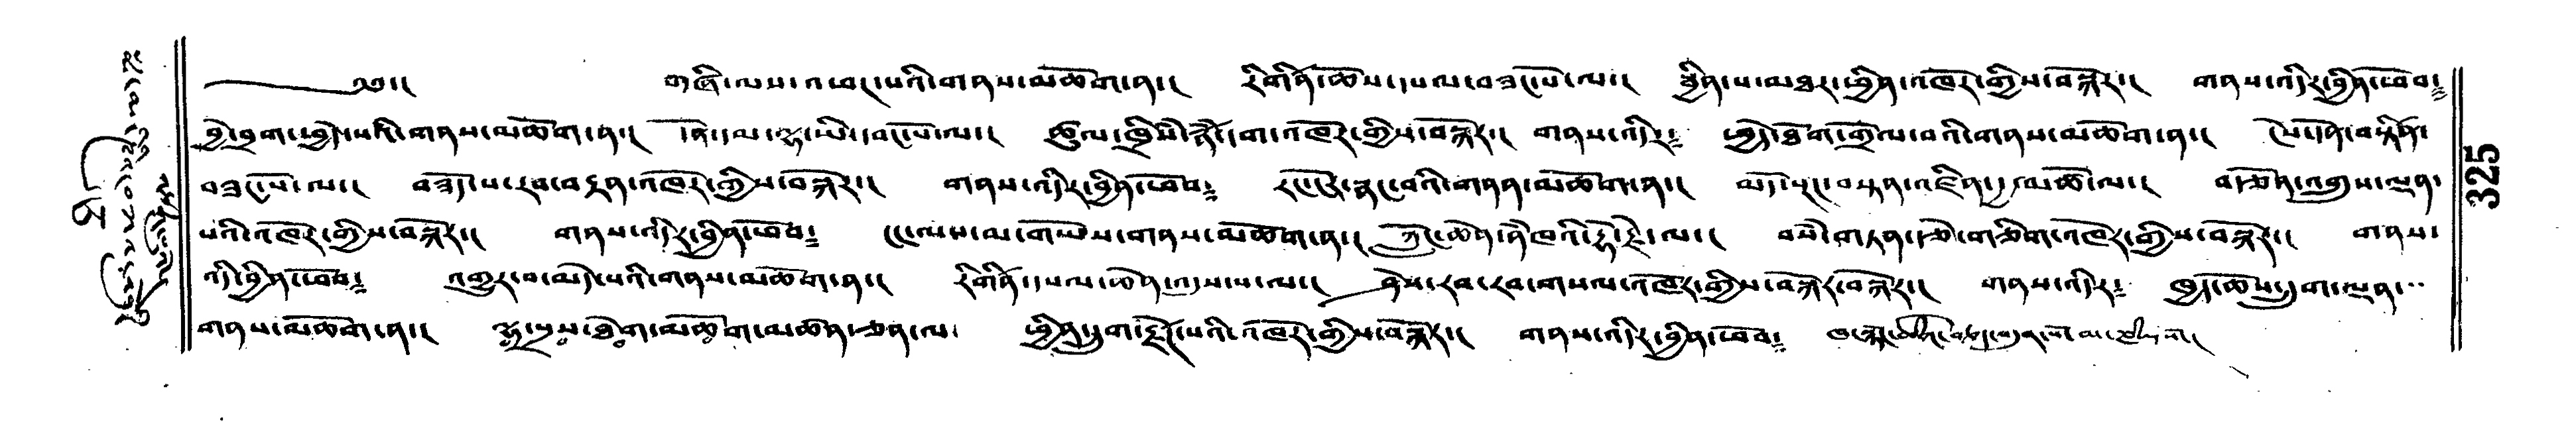༄༅། གཞི་ལས་འཕགས་པའི་གནས་མཆོག་ན། །རིག་འཛིན་ཆོས་དཔལ་བཟང་པོ་ལ། །སྦྱིན་པ་མཐར་ཕྱིན་འཁོར་གྱིས་བསྐོར། །གནས་འདིར་བྱིན་ཕོབ༴ 
བྱེ་བྲག་ཕྱེད་པའི་གནས་མཆོག་ན། །དོན་དམ་ལྷ་ཡི་དབང་པོ་ལ། །ཚུལ་ཁྲིམས་རྣམ་དག་འཁོར་གྱིས་བསྐོར། །གནས་འདིར༴ ཕྱེད་ཐོག་གྲོལ་བའི་གནས་མཆོག་ན། །ངེས་དོན་བསྟན་འཛིན་
བཟང་པོ་ལ། །བཟོད་པ་རབ་བརྟན་འཁོར་གྱིས་བསྐོར། །གནས་འདིར་བྱིན་ཕོབ༴ རང་ངོར་སྣང་བའི་སྣང་མཆོག་ན། །མདོ་སྔགས་བསྟན་འཛིན་རྒྱ་མཚོ་ལ། །བརྩོན་འགྲུས་ལྡན་
པའི་འཁོར་གྱིས་བསྐོར། །གནས་འདིར་བྱིན་ཕོབ༴ ངང་ལས་མ་གཡོས་གནས་མཆོག་ན། །ཀློང་ཆེན་ནམ་མཁའི་རྡོ་རྗེ་ལ། །བསམ་གཏན་རྩེ་གཅིག་འཁོར་གྱིས་བསྐོར། །གནས་
འདིར་བྱིན་ཕོབ༴ འགྱུར་བ་མེད་པའི་གནས་མཆོག་ན། །རིག་འཛིན་དཔལ་ཆེན་འདུས་པ་ལ། །ཤེས་རབ་རབ་གསལ་འཁོར་གྱིས་བསྐོར། །གནས་འདིར༴ ཁྱད་ཆོས་དྲུག་ལྡན་
གནས་མཆོག་ན། །ལྷ་སྲས་ཐེག་མཆོག་མཚན་ཅན་ལ། །ཕྱིན་དྲུག་རྫོགས་པའི་འཁོར་གྱིས་བསྐོར། །གནས་འདིར་བྱིན་ཕོབ༴ ཁ་སྐོང་ཚིགས་བཅད་བདུན་པོ་མ་ཎིས་སོ།། བཀྲ་ཤིས།།